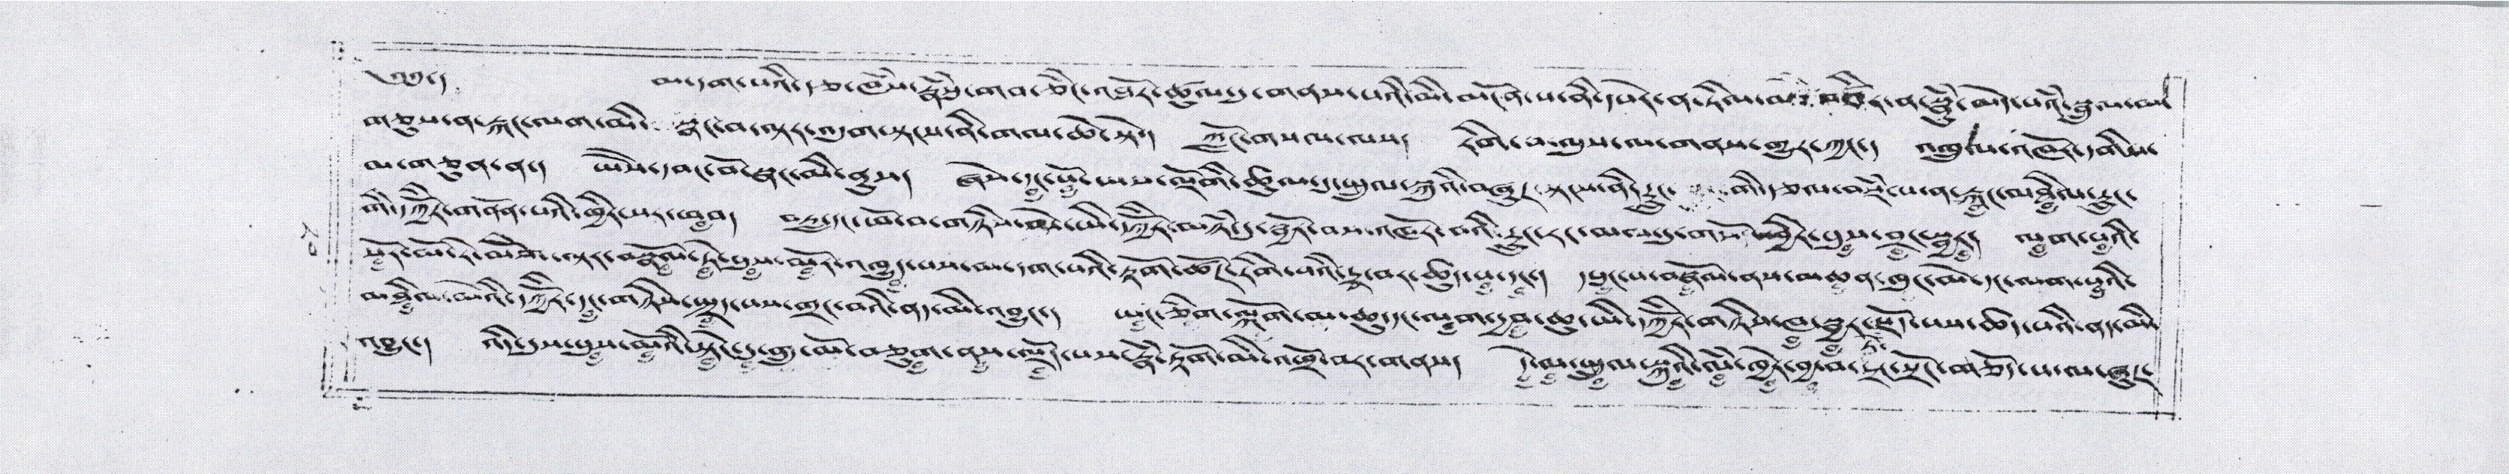མ་དག་པའི་རྩ་ཁམས་རྣམས་སུ་གབ་ཅིང་འཐོར་ཚུལ་དུ་གནས་པའི་མི་མངོན་པ་ནི་དཔེར་ན་ཏིལ་མ་བཙིར་ན་སྣུམ་མེད་པ་སྦྲུལ་མ་
གཅུས་ན་རྐང་ལག་མི་སྣང་བ་ལྟར་འདུག་སྟངས་ནི་གལ་ཆེ་སྟེ། ཀློང་གསལ་ལས། རིག་པ་ལུས་ལ་གནས་གྱུར་ཀྱང་། འཁྲུལ་འཁོར་དག་གིས་
མ་གཅུན་ན། ཡེ་ཤེས་དབང་པོ་སྣང་མི་ནུས། ཞེས་དང་པོ་ཡས་ལྡོག་གི་ཚུལ་དུ་སྤྲུལ་སྐུའི་བཞུགས་སྟངས་ནི་རླུང་སྦྱང་གི་རྩལ་བསྡམས་པ་ན་རྐང་མཐིལ་རླུང་
གི་དཀྱིལ་འཁོར་གནོན་པའི་ཕྱིར་སར་ཕབ། བརླ་དང་ཕོ་བ་གཉིས་མེ་ཡི་དཀྱིལ་འཁོར་མཉམ་དུ་སྦྱོར་བས་འཁོར་བའི་རླུང་རང་མལ་དུ་བསོ་ཕྱིར་པུས་བྲང་སྦྱར། ལག་པའི་
སོར་མོ་རེ་མིག་ལྟར་བསྣོལ་ཏེ་པུས་མོར་འཁྱུད་པས་མ་དག་པའི་རྟོག་ཚོགས་རིག་པའི་དྲྭ་བར་ཚུད་པ་དང་། དཔུང་པ་བསྣོལ་ནས་མཆན་ཁུང་མེ་དང་ལག་པའི་མཐིལ་
མེའི་དཀྱིལ་འཁོར་དང་གཉིས་སྤྲད་པས་གྲང་བའི་ནད་མི་འབྱུང་། ཡང་ཅིག་ལྐོག་མ་ཆུ་དང་ལག་རྒྱབ་ཆུ་ཡི་དཀྱིལ་འཁོར་གཉིས་ཁ་སྦྱར་སྡོད་པས་ཚད་པའི་ནད་མི་
འབྱུང་། འདི་དུས་པུས་མོའི་སྟེང་དུ་གྲུ་མོ་བཅུག་ནས་ལྡོད་པས་རྣམ་རྟོག་མི་འཕྲོ་བར་གནས། དེ་ལ་སྤྲུལ་སྐུའི་ལམ་ཁྱེར་བྱ་བ་དྲང་སྲོང་གཅོད་པ་ལ་ཞུགས་